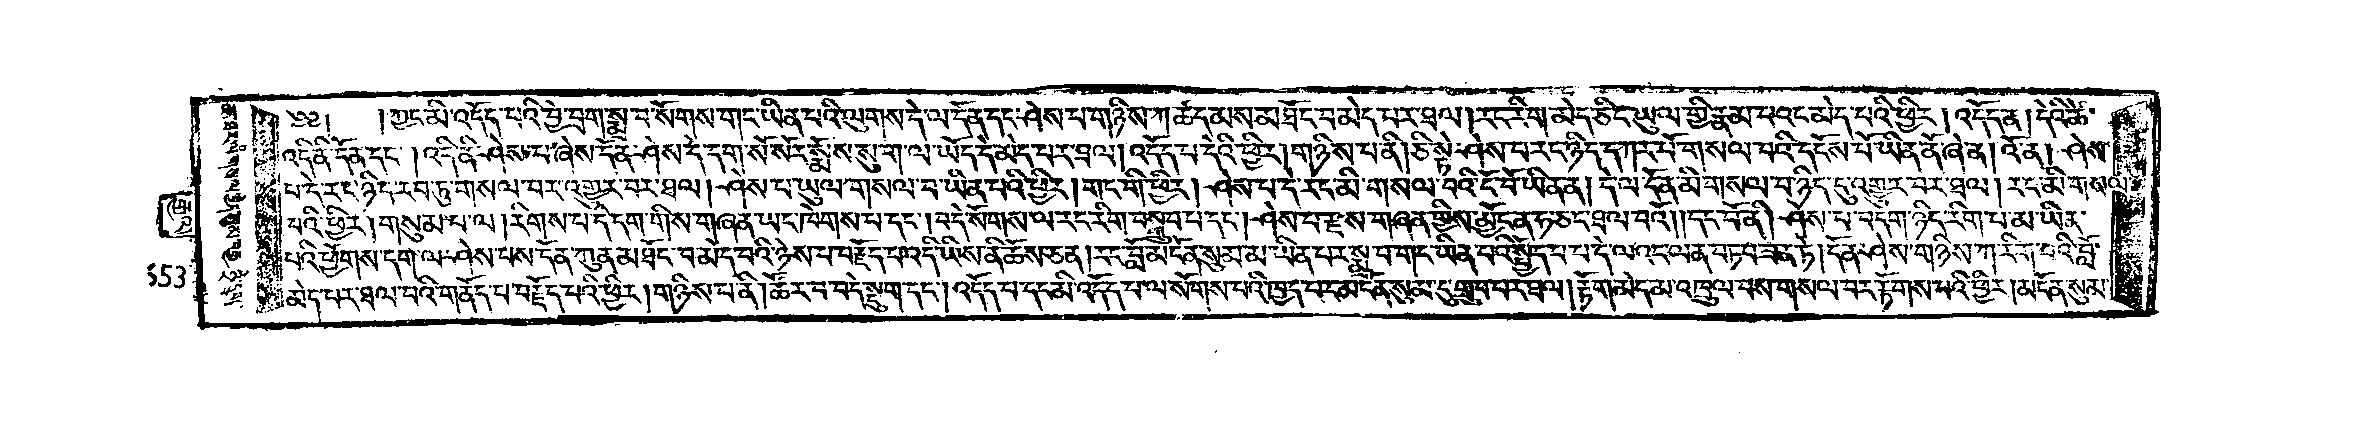༄༅། །ཀྱང་མི་འདོད་པའི་བྱེ་བྲག་སྨྲ་བ་སོགས་གང་ཡིན་པའི་ལུགས་དེ་ལ་དོན་དང་ཤེས་པ་གཉིས་ཀ་ཚད་མས་མཐོང་བ་མེད་པར་ཐལ། རང་རིག་མེད་ཅིང་ཡུལ་གྱི་རྣམ་པའང་མེད་པའི་ཕྱིར། འདོད་ན། དེའི་ཚེ་
འདི་ནི་དོན་དང་། འདི་ནི་ཤོས་པ་ཞེས་དོན་ཤེས་དེ་དག་སོ་སོར་སྨོས་སུ་ག་ལ་ཡོད་དེ་མེད་པར་ཐལ། འདོད་པ་དེའི་ཕྱིར། གཉིས་པ་ནི། ཅི་སྟེ་ཤེས་པ་རང་ཉིད་དཀར་པོ་གསལ་བའི་དངོས་པོ་ཡིན་ནོ་ཞེ་ན། འོ་ན། ཤེས་
པ་དེ་རང་ཉིད་རབ་ཏུ་གསལ་བར་འགྱུར་བར་ཐལ། ཤེས་པ་ཡུལ་གསལ་བ་ཡིན་པའི་ཕྱིར། གང་གི་ཕྱིར། ཤེས་པ་དེ་རང་མི་གསལ་བའི་ངོ་བོ་ཡིན་ན། དེ་ལ་དོན་མི་གསལ་བ་ཉིད་དུ་འགྱུར་བར་ཐལ། རང་མི་གསལ་
བའི་ཕྱིར། གསུམ་པ་ལ། རིགས་པ་དེ་དག་གིས་གཞན་ཡང་ཁེགས་པ་དང་། བདེ་སོགས་ལ་རང་རིག་བསྒྲུབ་པ་དང་། ཤེས་པ་རྫས་གཞན་གྱིས་མྱོང་ན་ཧ་ཅང་ཐལ་བའོ། །དང་པོ་ནི། ཤེས་པ་བདག་ཉིད་རིག་པ་མ་ཡིན་
པའི་ཕྱོགས་དག་ལ་ཤོས་པས་དོན་ཀུན་མཐོང་བ་མེད་པའི་ཉེས་པ་བརྗོད་པ་འདི་ཡིས་ནི་ཆོས་ཅན། རང་བློ་མངོན་སུམ་མ་ཡིན་པར་སྨྲ་བ་གང་ཡིན་པའི་སྤྱོད་པ་པ་དེ་ལའང་ལན་བཏབ་ཟིན་ཏེ། དོན་ཤེས་གཉིས་ཀ་རིག་པའི་བློ་
མེད་པར་ཐལ་བའི་གནོད་པ་བརྗོད་པའི་ཕྱིར། གཉིས་པ་ནི། ཚོར་བ་བདེ་སྡུག་དང་། འདོད་པ་དང་མི་འདོད་པ་ལ་སོགས་པའི་ཁྱད་པར་མངོན་སུམ་དུ་གྲུབ་པར་ཐལ། རྟོག་མེད་མ་འཁྲུལ་བས་གསལ་བར་རྟོགས་པའི་ཕྱིར། མངོན་སུམ་